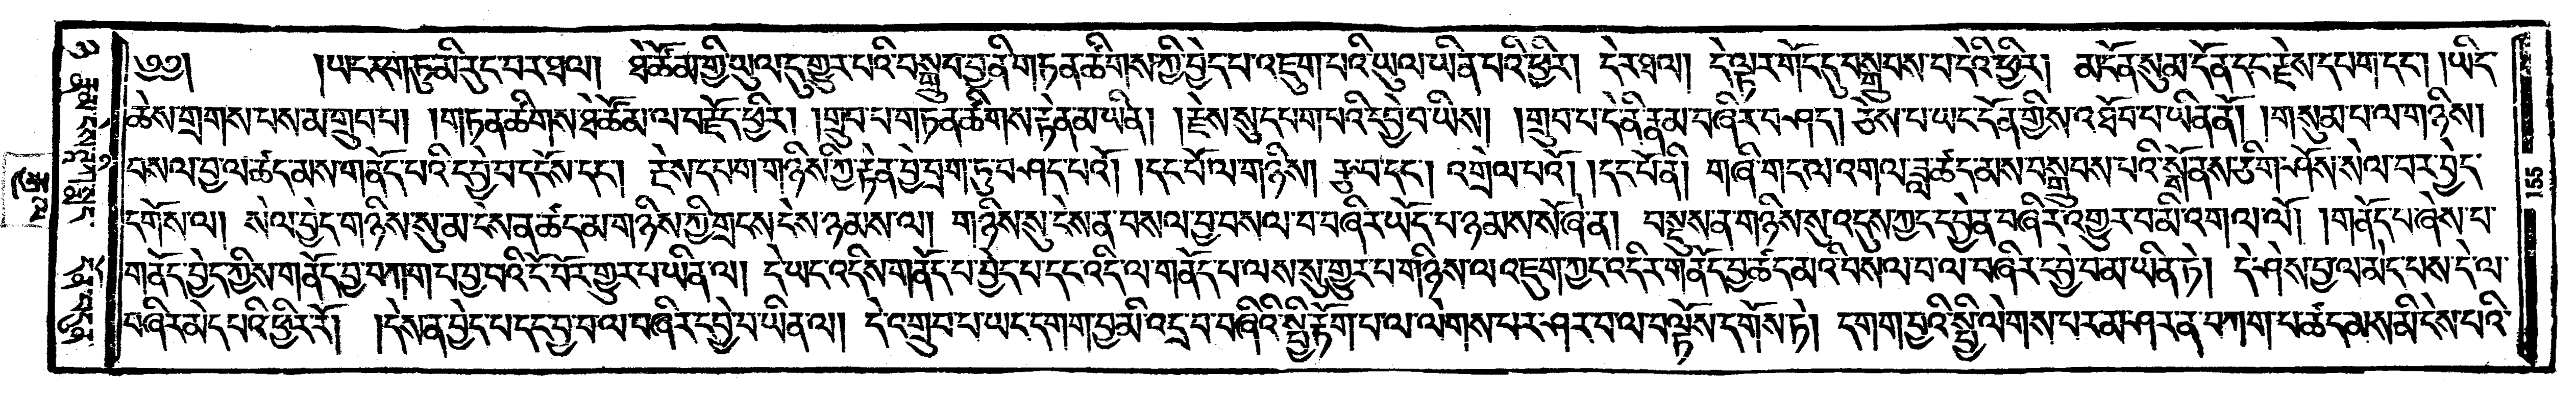༄༅། །ཡང་དག་ཏུ་མི་རུང་བར་ཐལ། ཐེ་ཚོམ་གྱི་ཡུལ་དུ་གྱུར་པའི་བསྒྲུབ་བྱ་ནི་གཏན་ཚིགས་ཀྱི་བྱེད་པ་འཇུག་པའི་ཡུལ་ཡིན་པའི་ཕྱིར། དེར་ཐལ། དེ་ལྟར་གོང་དུ་བསྒྲུབས་པ་དེའི་ཕྱིར། མངོན་སུམ་དོན་དང་རྗེས་དཔག་དང་། ཡིད་
ཆེས་གྲགས་པས་མ་གྲུབ་པ། །གཏན་ཚིགས་ཐེ་ཚོམ་ལ་བརྗོད་ཕྱིར། །གྲུབ་པ་གཏན་ཚིགས་རྟེན་མ་ཡིན། །རྗེས་སུ་དཔག་པའི་དབྱེ་བ་ཡིས། །གྲུབ་པ་དེ་ནི་རྣམ་བཞིར་བཤད། ཅེས་པ་ཡང་དོན་གྱིས་འཐོབ་པ་ཡིན་ནོ། །གསུམ་པ་ལ་གཉིས་
བསལ་བྱ་ལ་ཚད་མས་གནོད་པའི་དབྱེ་བ་དངོས་དང་། རྗེས་དཔག་གཉིས་ཀྱི་རྟེན་བྱེ་བྲག་ཏུ་བཤད་པའོ། །དང་པོ་ལ་གཉིས། རྩ་བ་དང་། འགྲེལ་པའོ། །དང་པོ་ནི། གཞི་གང་ལ་འགལ་ཟླ་ཚད་མས་བསྒྲུབས་པའི་སྒོ་ནས་ཅིག་ཤོས་སེལ་བར་བྱེད་
དགོས་ལ། སེལ་བྱེད་གཉིས་སུ་མ་ངེས་ན་ཚད་མ་གཉིས་ཀྱི་གྲངས་ངེས་ཉམས་ལ། གཉིས་སུ་ངེས་ན་བསལ་བྱ་བསལ་བ་བཞིར་ཡོད་པ་ཉམས་སོ་ཞེ་ན། བསྡུས་ན་གཉིས་སུ་འདུས་ཀྱང་དབྱེ་ན་བཞིར་འགྱུར་བ་མི་འགལ་ལོ། །གནོད་པ་ཞེས་པ་
གནོད་བྱེད་ཀྱིས་གནོད་བྱ་བཀག་པ་བྱ་པའི་ངོ་བོར་གྱུར་པ་ཡིན་ལ། དེ་ཡང་འདིས་གནོད་པ་བྱེད་པ་དང་འདི་ལ་གནོད་པ་ལས་སུ་གྱུར་པ་གཉིས་ལ་འཇུག་ཀྱང་འདིར་གནོད་བྱ་ཚད་མའི་བསལ་བ་ལ་བཞིར་དབྱེ་བ་མ་ཡིན་ཏེ། དེ་ཤེས་བྱ་ལ་མེད་པས་དེ་ལ་
བཞིར་མེད་པའི་ཕྱིར་རོ། །དེས་ན་བྱེད་པ་དང་བྱ་བ་ལ་བཞིར་དབྱེ་བ་ཡིན་ལ། དེ་འགྲུབ་པ་ཡང་དགག་བྱ་མི་འདྲ་བ་བཞིའི་སྤྱི་རྟོག་པ་ལ་ལེགས་པར་ཤར་བ་ལ་བལྟོས་དགོས་ཏེ། དགག་བྱའི་སྤྱི་ལེགས་པར་མ་ཤར་ན་བཀག་པ་ཚད་མས་མི་ངེས་པའི་